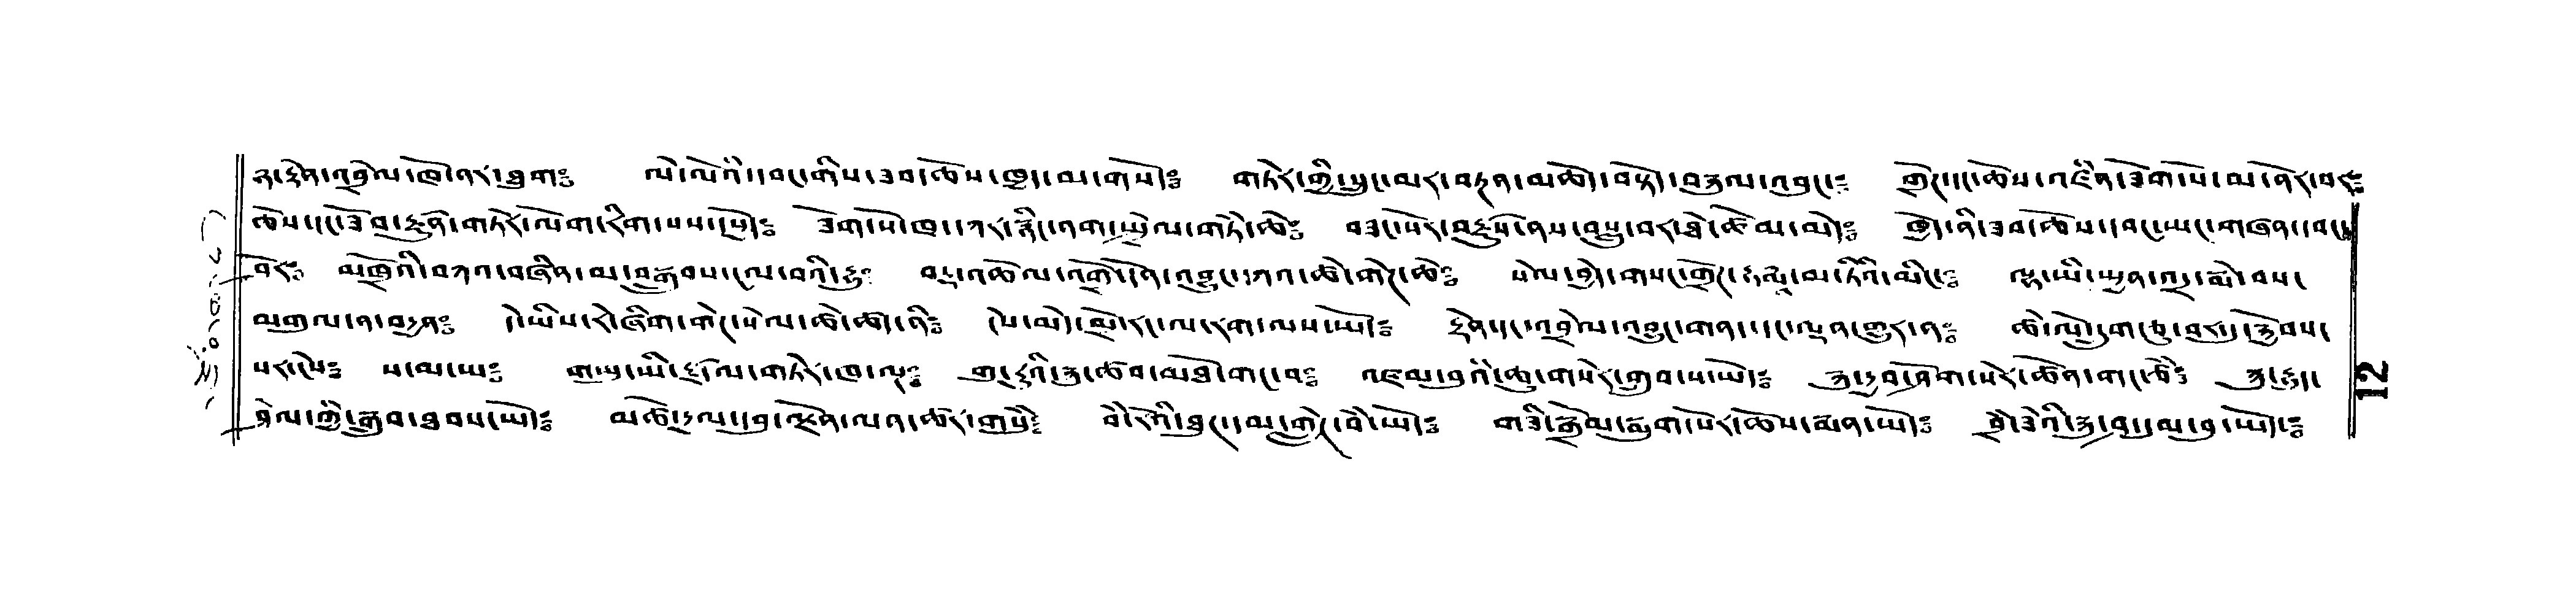ཉ་རྟེན་འབྲེལ་ཁོ་ནར་ཐུག༔ ལེ་ལོའི་དབང་གིས་ཟབ་ཆོས་ཁྱད་མ་གསོད༔ གཏེར་གྱི་སྲུང་མར་བརྔན་མཆོད་བསྟོད་བསྐུལ་འབུངས༔ གྲོགས་དང་ཆོས་འཛིན་ཟོག་པོ་མ་ནོར་བ༔ 
ཆོས་དང་ཟོབ་རྫུན་ཚ་གཏེར་ལོག་རིག་པས་དཔྱོད༔ ཟོག་པོ་ཁག་དཀར་སྙིང་ནག་སྤྲེལ་གཏམ་ཆེ༔ བཟང་པོར་བརྫུས་ནས་བསླུ་བར་ཐེ་ཚོམ་མེད༔ ཁྱོད་ནི་ཟབ་ཆོས་དབང་ཡང་གཞན་དབང་
ཤོར༔ མཁའ་འགྲོའི་བཀའ་བཞིན་མ་བསྒྲུབས་ངལ་བའི་རྒྱུ༔ བརྡ་འཆོལ་འགྲོ་དོན་འབྱུང་དཀའ་ཚེ་གེགས་ཆེ༔ སེལ་བྱེད་གསང་གྲོགས་དྷརྨཱ་མ་ཏིའི་མིང༔ ལྷ་ཡི་སྤྱན་འདྲ་སྨེ་བས་
མགུལ་ན་བརྒྱན༔ དེ་ཡིས་རེ་ཞིག་གེགས་སེལ་ཚེ་ཚད་ནི༔ ངེས་མེད་མཁའ་འགྲོ་རང་ལ་རག་ལས་ཡོད༔ རྟེན་དང་འབྲེལ་འབྱུང་གནད་དང་ལྡན་གྱུར་ན༔ཚེ་ལོ་དྲུག་ཅུ་བར་དུ་སྐྱོབ་
པར་ངེས༔ ས་མ་ཡ༔ གཡུ་ཡི་རྫ་ལ་གཏེར་ཁ་ལྔ༔ གུ་རུའི་སྐུ་ཚབ་མཐོ་གང་བ༔ འཛམ་བུའི་ཆུ་གསེར་གྲུབ་པ་ཡོད༔ སྐུ་རྒྱབ་ཤོག་སེར་ཚོན་གང་ཙམ༔ སྐུ་རྒྱུད་
ཤེལ་གྱི་སྒྲུབ་ཐབས་ཡོད༔ མཚོ་རྒྱལ་དབུ་ལྗོན་ལན་ཚར་གསུམ༔ བམ་རོའི་ཐུགས་དམ་གླེགས་བམ་ཡོད༔ བྲམ་ཟེའི་སྐུ་ཤ་དུམ་བུ་ཡོད༔